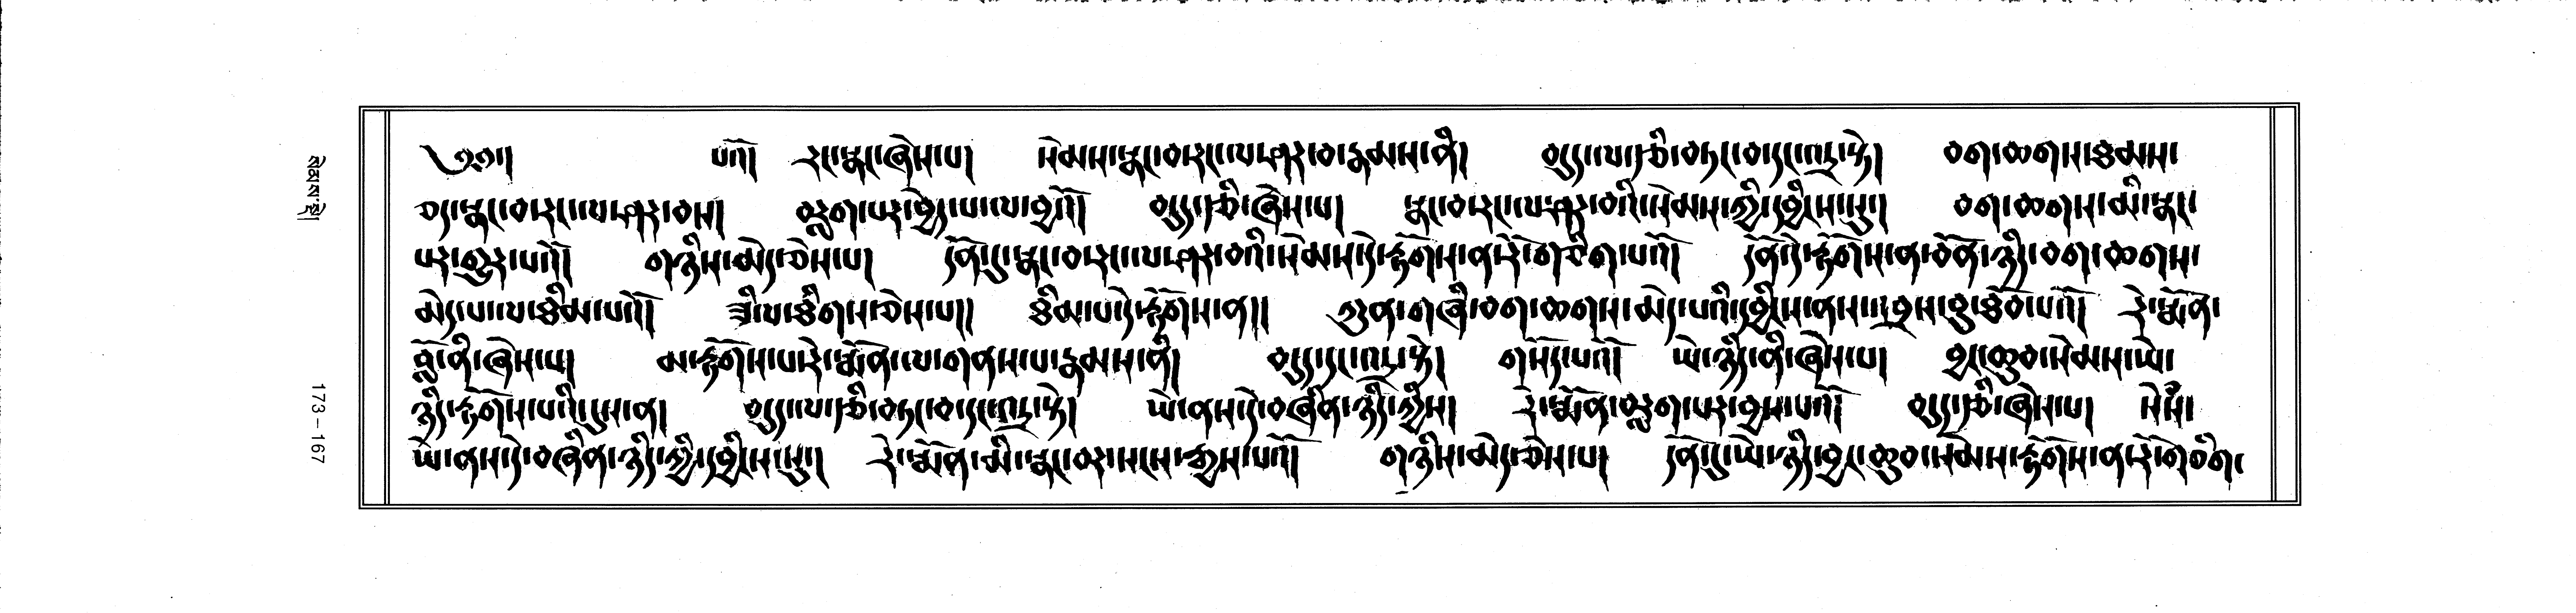པའོ། །རང་སྣང་ཞེས་པ། སེམས་སྣང་བ་རང་ལ་ཤར་བ་རྣམས་ནི། བདུད་ལ་རྩི་བཏང་བ་དང་འདྲ་སྟེ། བག་ཆགས་ཐམས་
ཅད་སྣང་བ་རང་ལ་ཤར་བས། བརླག་པར་བྱེད་པ་ལ་བྱའོ། །བདུད་རྩི་ཞེས་པ། སྣང་བ་རང་ལ་ཤར་བའི་སེམས་ཀྱི་དབྱིངས་སུ་བག་ཆགས་མི་སྣང་
བར་གྱུར་པའོ། །གཉིས་མེད་ཅེས་པ། དོན་དུ་སྣང་བ་རང་ལ་ཤར་བའི་སེམས་དེ་རྟོགས་ན་རོ་གཅིག་པའོ། །དོན་དེ་རྟོགས་ན། བོན་ཉིད་བག་ཆགས་
མེད་པ་ལ་ཐིམ་པའོ། །ཟིལ་ཐིགས་ཅེས་པ། ཐིམ་པ་དེ་རྟོགས་ན། ཀུན་གཞི་བག་ཆགས་མེད་པའི་དབྱིངས་ནས་འབྲས་བུ་ཐོབ་པའོ། །རེ་སྨོན་
བློ་ནི་ཞེས་པ། མ་རྟོགས་པ་རེ་སྨོན་ལ་གནས་པ་རྣམས་ནི། བདུད་དང་འདྲ་སྟེ། གསོད་པའོ། །ཡེ་ཉིད་ནི་ཞེས་པ། བྱང་ཆུབ་སེམས་ཡེ་
ཉིད་རྟོགས་པའི་དུས་ན། བདུད་ལ་རྩི་བཏང་བ་དང་འདྲ་སྟེ། ཡེ་ནས་དེ་བཞིན་ཉིད་ཀྱིས། རེ་སྨོན་བརླག་པར་བྱས་པའོ། །བདུད་རྩི་ཞེས་པ། སེམས་
ཡེ་ནས་དེ་བཞིན་ཉིད་ཀྱི་དབྱིངས་སུ། རེ་སྨོན་མི་སྣང་བར་སངས་རྒྱས་པའོ། །གཉིས་མེད་ཅེས་པ། དོན་དུ་ཡེ་ཉིད་བྱང་ཆུབ་སེམས་རྟོགས་ན་རོ་གཅིག་